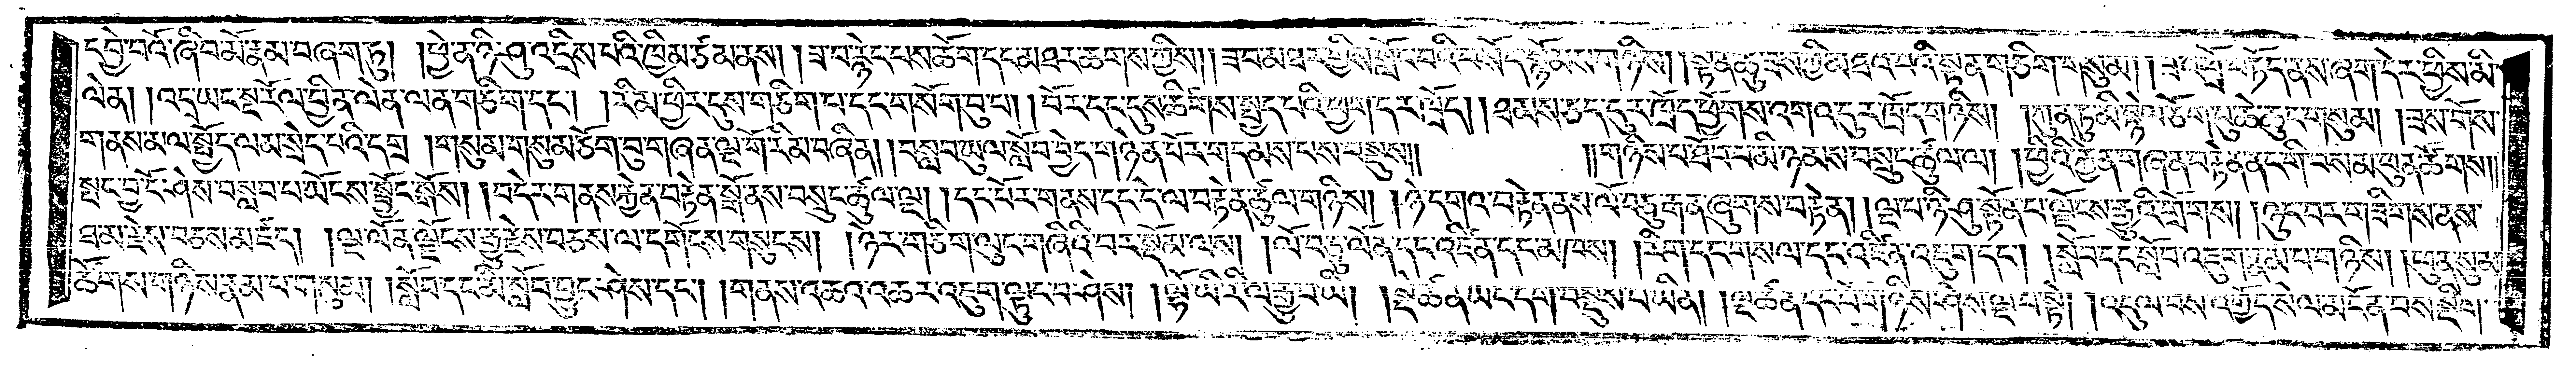དབྱེ་བའོ་ཞིབ་མོ་རྣམ་བཞག་ཏུ། །ཕྱེ་ན་ཉི་ཤུ་འདྲིས་པའི་ཁྱིམ་ཙམ་ནས། །ཟ་བ་རྙེང་པས་ཆོག་དད་མཐར་ཆགས་ཀྱིས། །ཟ་བ་མཐར་གྱིས་སློང་བའི་བསོད་སྙོམས་གཉིས། །སྟན་ཆུ་ཟས་ཀྱི་མཐའ་བའི་སྟན་གཅིག་གསུམ། །ཟ་འཕྲོ་བཏོད་ནས་ཞག་དེར་ཕྱིས་མི་
ལེན། །འདྲ་ཡང་སྔ་རོལ་བྱིན་ལེན་ལན་གཅིག་དང་། །རིམ་ཕྱིར་དུས་གཅིག་པ་དང་གསོག་བུ་པ། །བོར་དང་དུས་ཚིགས་སྤྱད་པའི་ཕྱག་དར་ཁྲོད། །ཐམས་ཅད་དུར་ཁྲོད་ཕྱོགས་འགའ་དུར་ཁྲོད་གཉིས། །ཀུན་ཏུ་མི་སྙེལ་ཅོག་པུ་ཆེ་ཆུང་གསུམ། །ཟས་གོས་
གནས་མལ་སྤྱོད་ལམ་སྲེད་པའི་དགྲ་།གསུམ་གསུམ་ཅོག་བུ་གཞན་ལྔ་གོ་རིམ་བཞིན། །བསླབ་ཡུལ་སློབ་བྱེད་གཉེན་པོར་གདམས་པས་བསྡུས།། །།གཉིས་པ་ཐོབ་པ་མི་ཉམས་བསྲུང་ཚུལ་ལ། །ཕྱིའི་རྐྱེན་གཞན་བརྟེན་ནང་གི་བསམ་ཕུན་ཚོགས།།
སྤང་བྱ་ངོ་ཤེས་བསླབ་པ་ཡོངས་སྦྱོང་སྒོས། །བདེར་གནས་རྐྱེན་བརྟེན་སྒོ་ནས་བསྲུང་ཚུལ་ལྔ། །དང་པོར་གནས་དང་དེ་ལ་བརྟེན་ཚུལ་གཉིས། །ཉེ་དགའ་བརྟེན་ནས་ལོ་བཅུ་རྒན་ཞུགས་བརྟེན། །ལྔ་པ་ཉི་ཤུ་སྟོན་པ་ལྗོངས་རྒྱུའི་གྲོགས། །ཉུང་བར་གཟིགས་ནས་
ཐ་མ་རྗེས་བཅས་མཛད། །ལྔ་ལོན་ལྗོངས་རྒྱུ་རྗེས་བཅས་ལ་དགོངས་གསུངས། །ཉེར་གཅིག་ལུང་གཞིའི་བར་སྡོམ་ལས། །ལོ་བཅུ་ལོན་དང་འཛིན་དང་མཁས། །རིག་དང་གསལ་དང་འཛིན་འཇུག་དང་། །སློབ་དང་སློབ་འཇུག་རྣམ་པ་གཉིས། །ཕུན་སུམ་
ཚོགས་གཉིས་རྣམ་པ་གསུམ། །སློབ་དང་མི་སློབ་བྱུང་ཤེས་དང་། །གནས་འཆའ་འཆར་འཇུག་ལྟུང་བ་ཤེས། །ལྷོ་ཡི་རི་ལ་རྒྱུ་བ་ཡི། །སྡེ་ཚན་ཡང་དག་བསྡུས་པ་ཡིན། །ལྔ་ཚན་དང་པོ་གཉིས་ཤེས་ལྔ་པ་སྟེ། །འདུལ་བས་འགྱོད་སེལ་མངོན་པས་སྡིག་